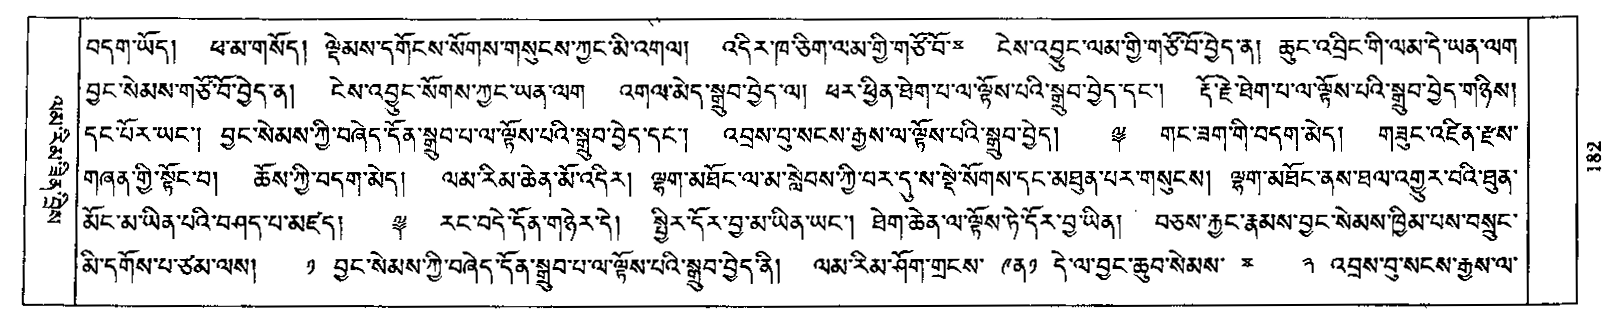བདག་ཡོད། ཕ་མ་གསོད། ལྡེམས་དགོངས་སོགས་གསུངས་ཀྱང་མི་འགལ། འདིར་ཁ་ཅིག་ལམ་གྱི་གཙོ་བོ་ངེས་འབྱུང་ལམ་གྱི་གཙོ་བོ་བྱེད་ན། ཆུང་འབྲིང་གི་ལམ་དེ་ཡན་ལག་
བྱང་སེམས་གཙོ་བོ་བྱེད་ན། ངེས་འབྱུང་སོགས་ཀྱང་ཡན་ལག་འགལ་མེད་སྒྲུབ་བྱེད་ལ། ཕར་ཕྱིན་ཐེག་པ་ལ་ལྟོས་པའི་སྒྲུབ་བྱེད་དང་། རྡོ་རྗེ་ཐེག་པ་ལ་ལྟོས་པའི་སྒྲུབ་བྱེད་གཉིས།
དང་པོར་ཡང་། བྱང་སེམས་ཀྱི་བཞེད་དོན་སྒྲུབ་པ་ལ་ལྟོས་པའི་སྒྲུབ་བྱེད་དང་། འབྲས་བུ་སངས་རྒྱས་ལ་ལྟོས་པའི་སྒྲུབ་བྱེད། ༈ གང་ཟག་གི་བདག་མེད། གཟུང་འཛིན་རྫས་
གཞན་གྱི་སྟོང་བ། ཆོས་ཀྱི་བདག་མེད། ལམ་རིམ་ཆེན་མོ་འདིར། ལྷག་མཐོང་ལ་མ་སླེབས་ཀྱི་བར་དུ་ས་སྡེ་སོགས་དང་མཐུན་པར་གསུངས། ལྷག་མཐོང་ནས་ཐལ་འགྱུར་བའི་ཐུན་
མོང་མ་ཡིན་པའི་བཤད་པ་མཛད། ༈ རང་བདེ་དོན་གཉེར་དེ། སྤྱིར་དོར་བྱ་མ་ཡིན་ཡང་། ཐེག་ཆེན་ལ་ལྟོས་ཏེ་དོར་བྱ་ཡིན། བཅས་རྐྱང་རྣམས་བྱང་སེམས་ཁྱིམ་པས་བསྲུང་
མི་དགོས་པ་ཙམ་ལས། ༡་བྱང་སེམས་ཀྱི་བཞེད་དོན་སྒྲུབ་པ་ལ་ལྟོས་པའི་སྒྲུབ་བྱེད་ནི། ལམ་རིམ་ཤོག་གྲངས ༩་ན ༡་དེ་ལ་བྱང་ཆུབ་སེམས ༢་འབྲས་བུ་སངས་རྒྱས་ལ་